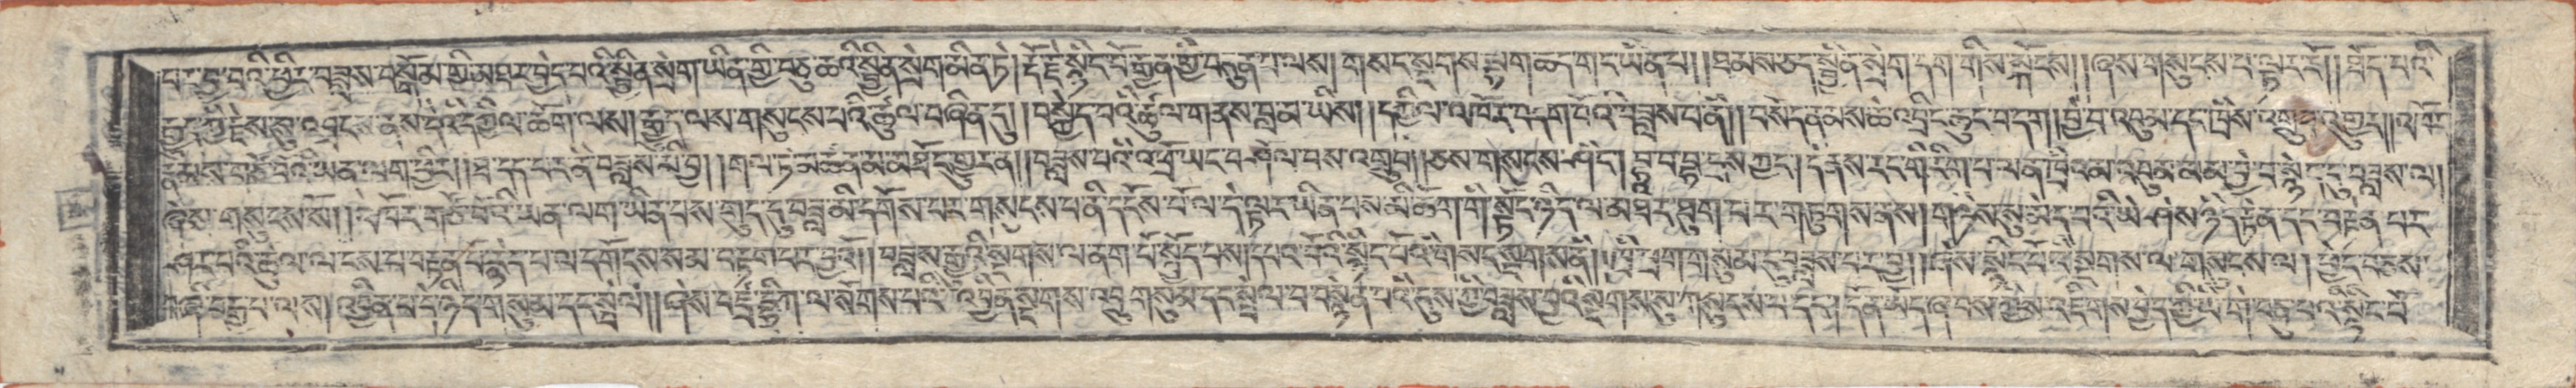པར་བྱ་བའི་ཕྱིར་བཟླས་བསྒོམ་གྱི་མཐར་བྱེད་པའི་སྦྱིན་སྲེག་ཡིན་གྱི་བཅུ་ཆའི་སྦྱིན་སྲེག་མིན་ཏེ། རྡོ་རྗེ་སྙིང་པོ་རྒྱན་གྱི་བདུན་པ་ལས། གསང་སྔགས་ལྷག་ཆད་གང་ཡིན་པ། །ཐམས་ཅད་སྦྱིན་སྲེག་དག་གིས་སྐོངས། །ཞེས་གསུངས་པ་ལྟར་རོ། །ཐོད་པའི་
རྒྱུད་ཀྱི་རྗེས་སུ་འབྲངས་ནས་དེའི་དཀྱིལ་ཆོག་ལས། རྒྱུད་ལས་གསུངས་པའི་ཚུལ་བཞིན་དུ། །བསྐྱེད་པའི་ཚུལ་གནས་བླ་མ་ཡིས། །དཀྱིལ་འཁོར་བདག་པོའི་བཟླས་པ་ནི། །བསོད་ནམས་ཆེ་འབྲིང་ཆུང་བ་དག །བྱེ་བ་འབུམ་དང་ཁྲིས་འགྲུབ་འགྱུར། །འཁོར་
རྣམས་གཙོ་བོའི་ཡན་ལག་ཕྱིར། །ཐ་དད་པར་ནི་བཟླས་མི་བྱ། །གལ་ཏེ་མཚན་མ་མཐོང་གྱུར་ན། །བཟླས་པའི་འཕྲོ་ཡང་བཤོལ་བས་འགྲུབ། །ཅེས་གསུངས་ཤིང་། བྷཱ་བ་བྷ་དྲས་ཀྱང་། དེ་ནས་རང་གི་རིག་པ་ལན་ཁྲིའམ་འབུམ་མམ་བྱེ་བ་སྙེད་དུ་བཟླས་ལ།
ཞེས་གསུངས་སོ། །འཁོར་གཙོ་བོའི་ཡན་ལག་ཡིན་པས་གུད་དུ་བཟླ་མི་དགོས་པར་གསུངས་པ་ནི་དངོས་པོ་ལ་དེ་ལྟར་ཡིན་པས་མི་ཆོག་གི་སྟོང་ཉིད་ལ་མཐར་ཐུག་པར་གཏུགས་ནས། གཉིས་སུ་མེད་པའི་ཡེ་ཤེས་ཉིད་རྟེན་དང་བརྟེན་པར་
ཤར་བའི་ཚུལ་ལ་ངེས་པ་བརྟན་པོ་རྙེད་པ་ལ་དགོངས་སམ་བརྟག་པར་བྱའོ། །བཟླས་རྒྱུའི་སྔགས་ལ་ནག་པོ་སྤྱོད་པས། དཔའ་བོའི་སྙིང་པོའི་གསང་སྔགས་ནི། །ཁྲི་ཕྲག་གསུམ་དུ་བཟླས་པར་བྱ། །ཞེས་སྙིང་པོའི་སྔགས་ལ་གསུངས་ལ། ཕྱེད་བཅས་
བཞི་བརྒྱ་བ་ལས། འབྱིན་པ་དེ་ཉིད་གསུམ་དང་སྤེལ། །ཞེས་བཛྲ་དྷྲཱི་ལ་སོགས་པའི་འབྱིན་སྔགས་འབྲུ་གསུམ་དང་སྤེལ་བ་བསྙེན་པའི་དུས་ཀྱི་བཟླས་བྱའི་སྔགས་སུ་གསུངས་པ་དང་། དོན་ཡོད་ཞབས་ཀྱིས་འཇིགས་བྱེད་ཀྱི་ཡི་གེ་བཅུ་པའི་སྙིང་པོ་